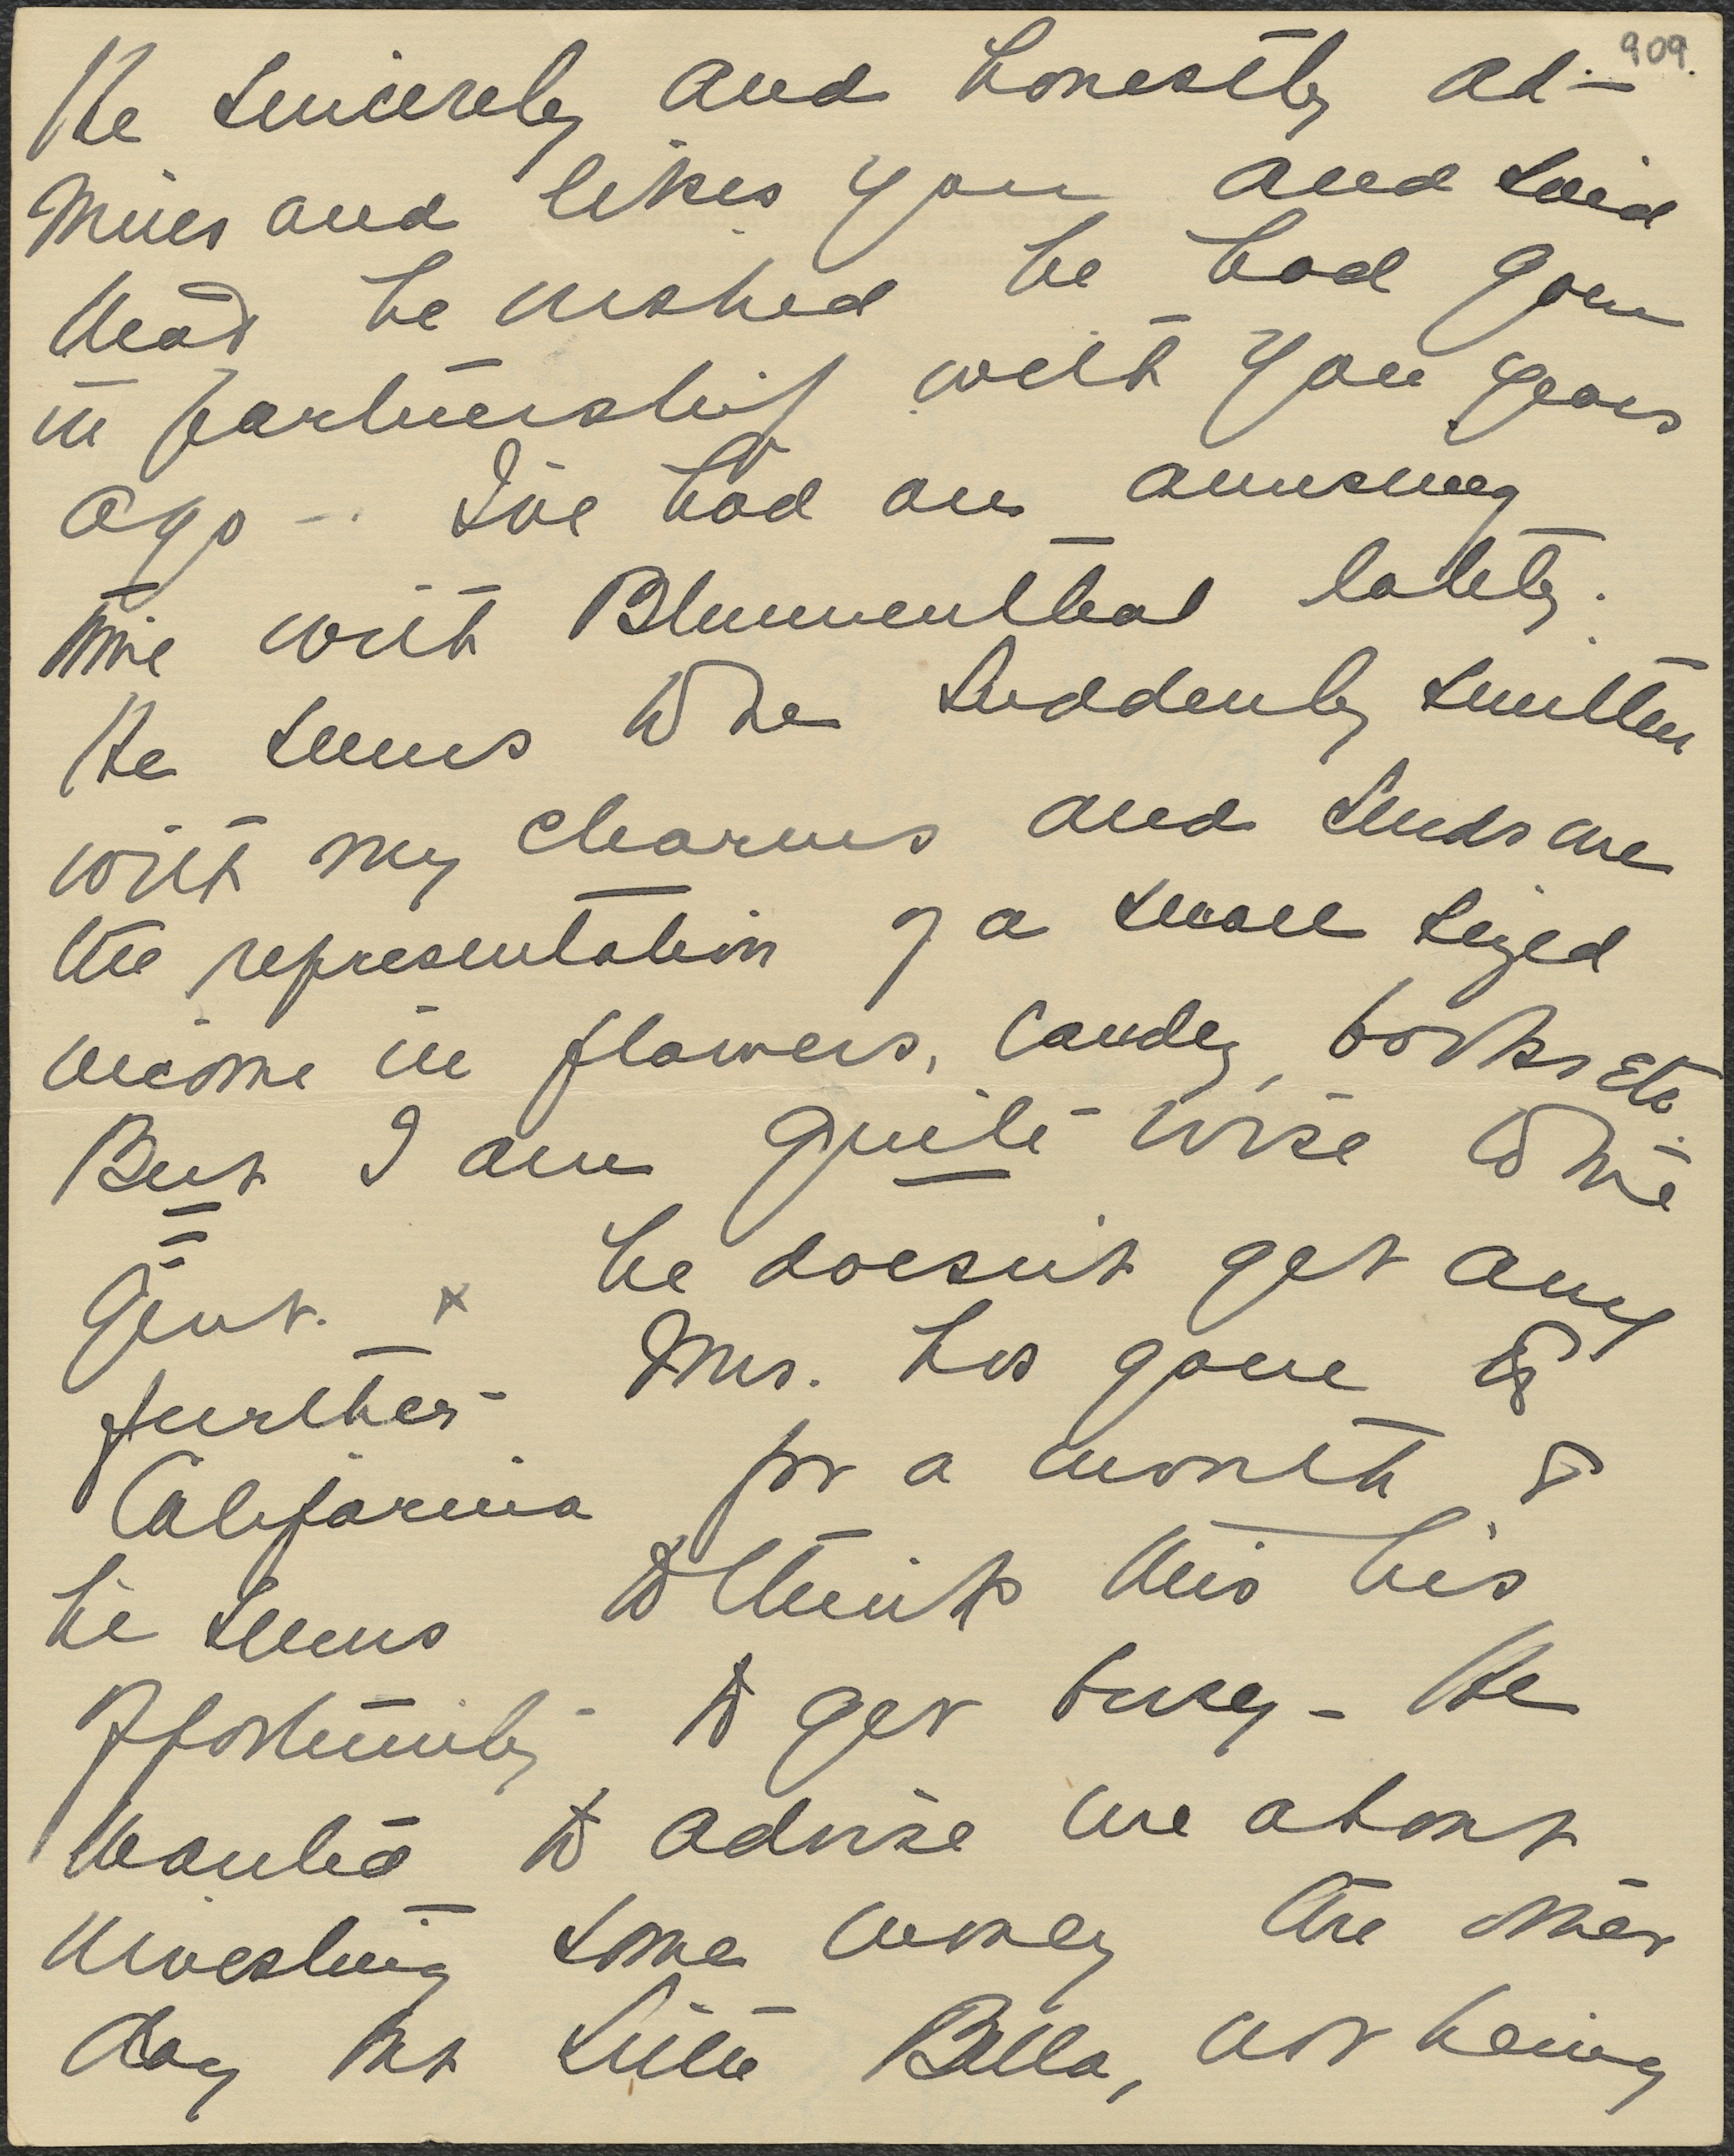He sincerely and honestly admires and likes you and said that he wished he had gone in partnership with you years ago – I’ve had an amusing time with Blumenthal lately. He seems to be suddenly smitten with my charms and sends me the representation of a small sized income in flowers, candy, books etc. [triple underlined: But] I am quite wise to the gent & he doesn’t get any further – Mrs. has gone to California for a month & he seems to think this his opportunity to get busy – He wanted to advise me about investing some money the other day but little Bella, not being